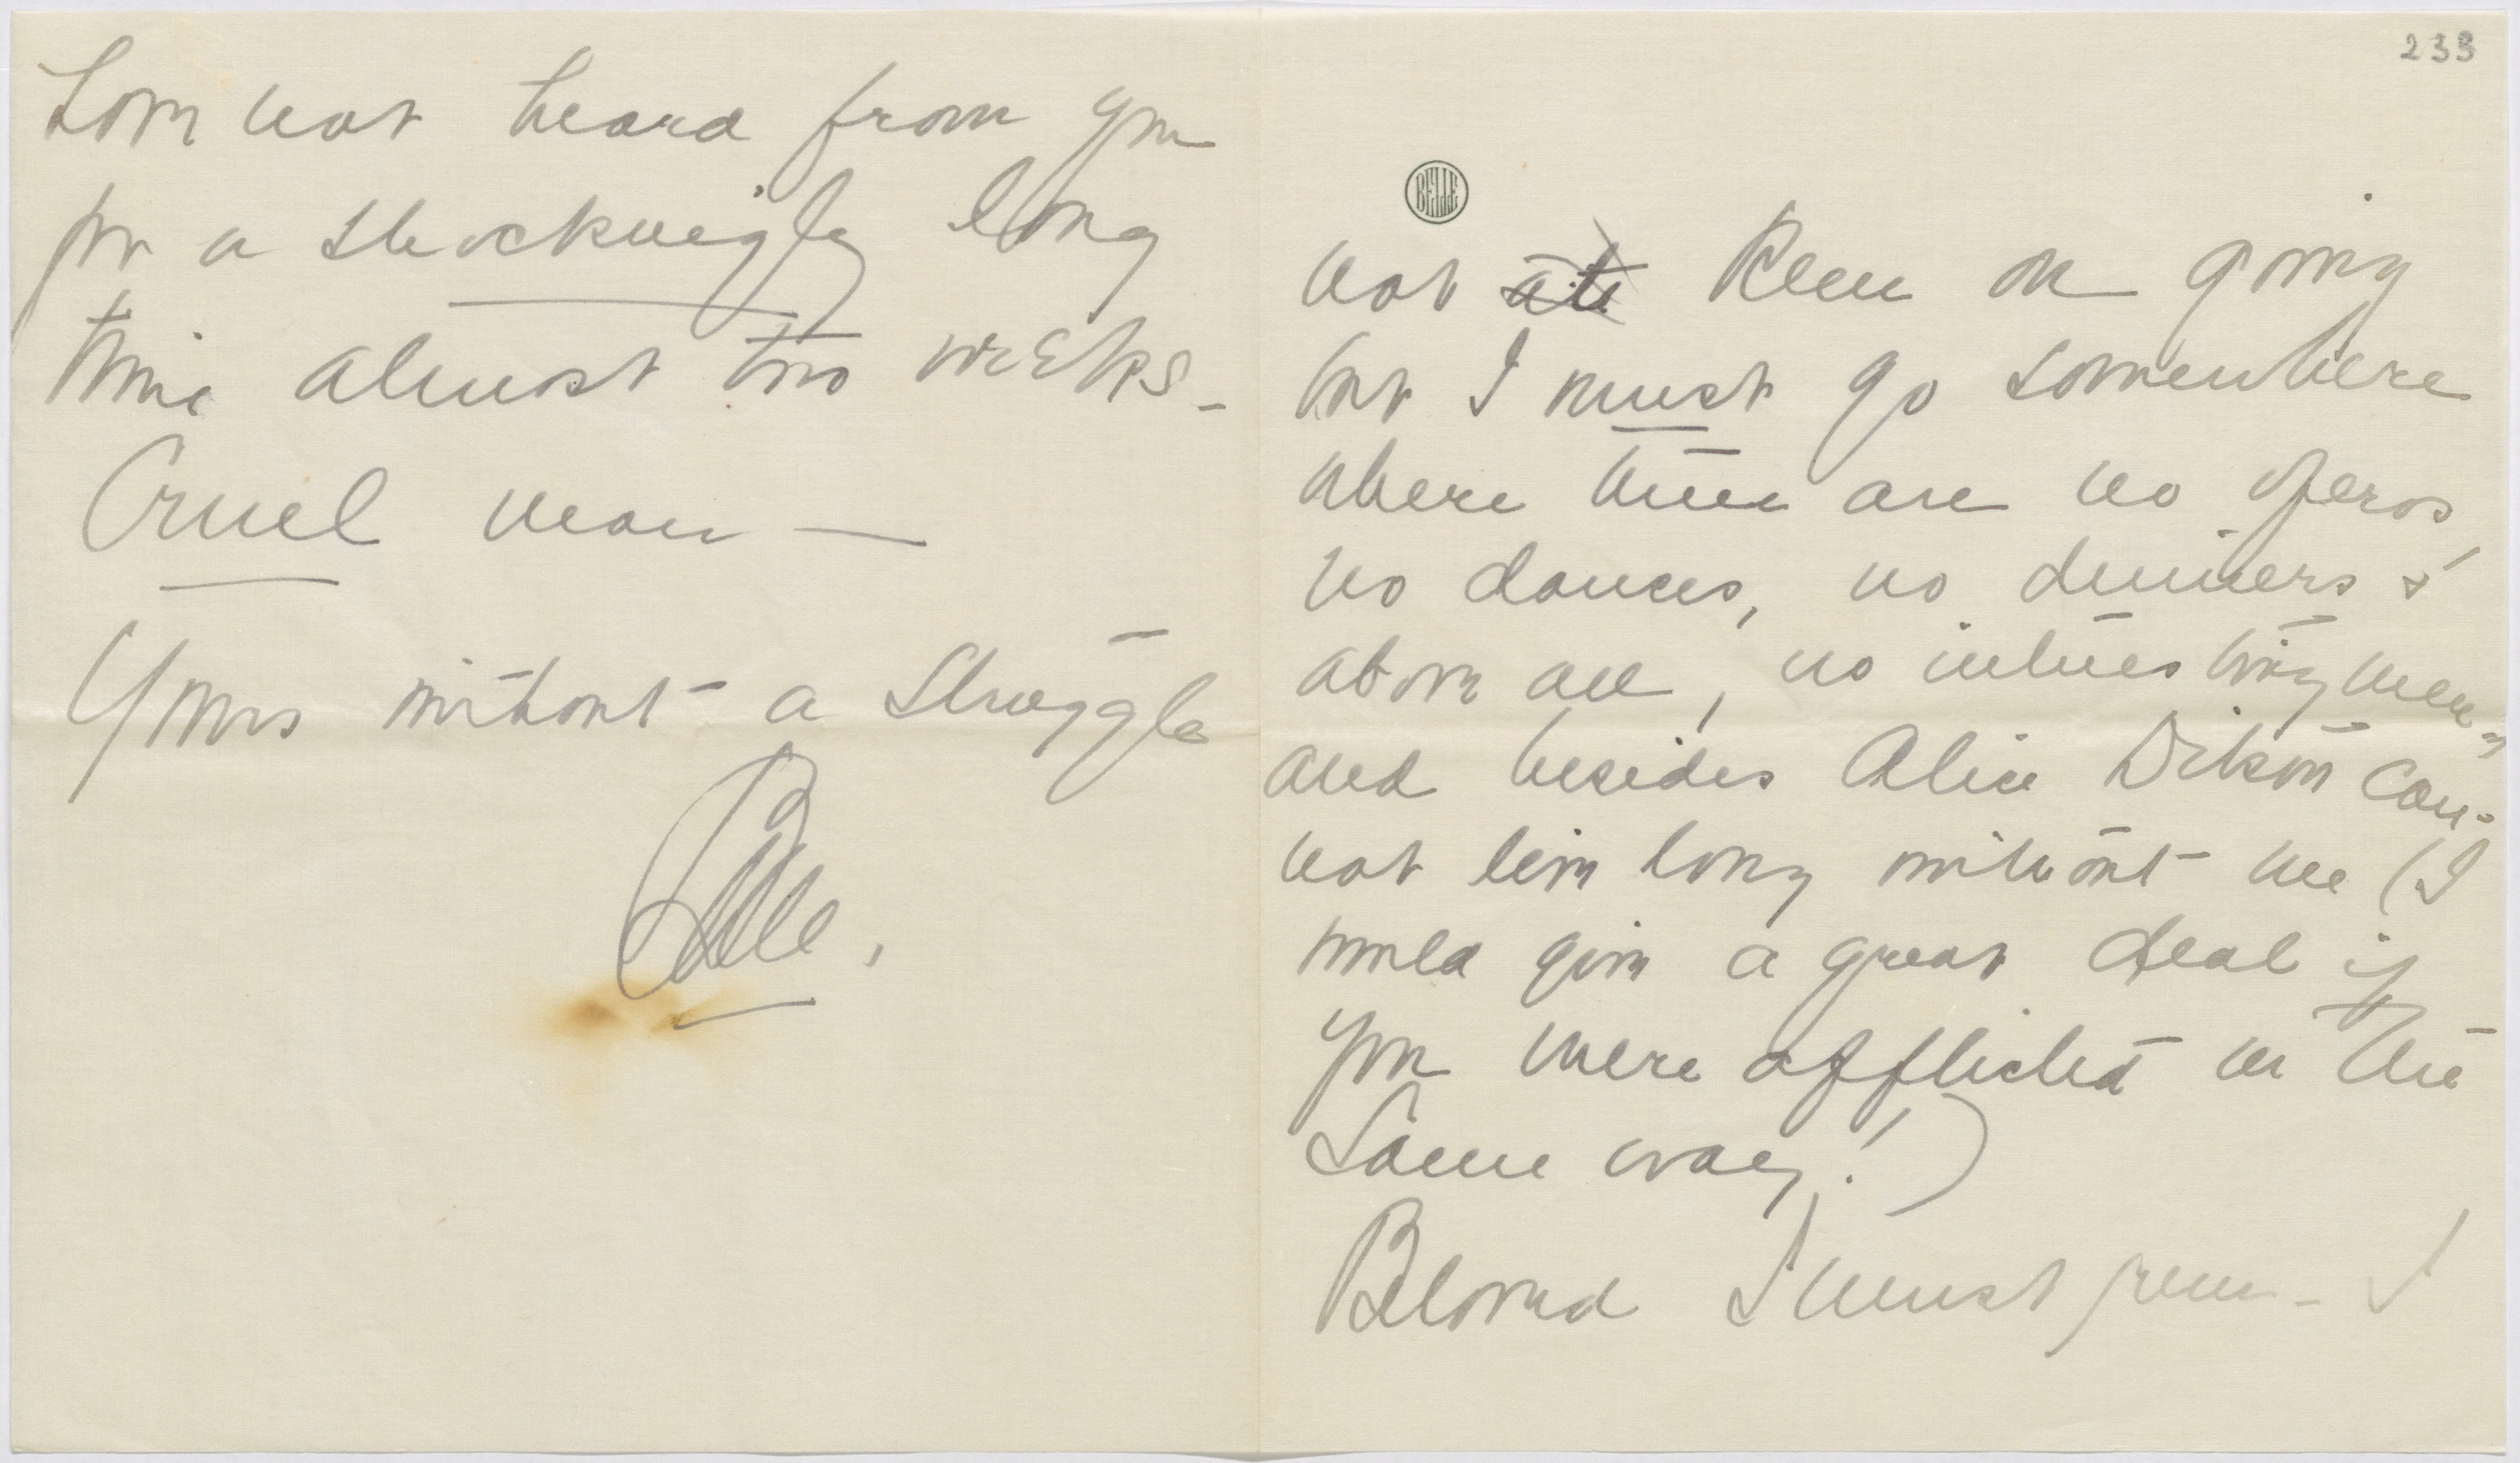not at keen on going but I must go somewhere where there are no operas, no dances, no dinners & above all, no interesting men, and besides Alice Ditson cannot live long without me (I would give a great deal if you were afflicted in the same way!)
Beloved I must run – I
have not heard from you for a shockingly long time almost two weeks–
Cruel man –
Yours without a struggle
Belle.